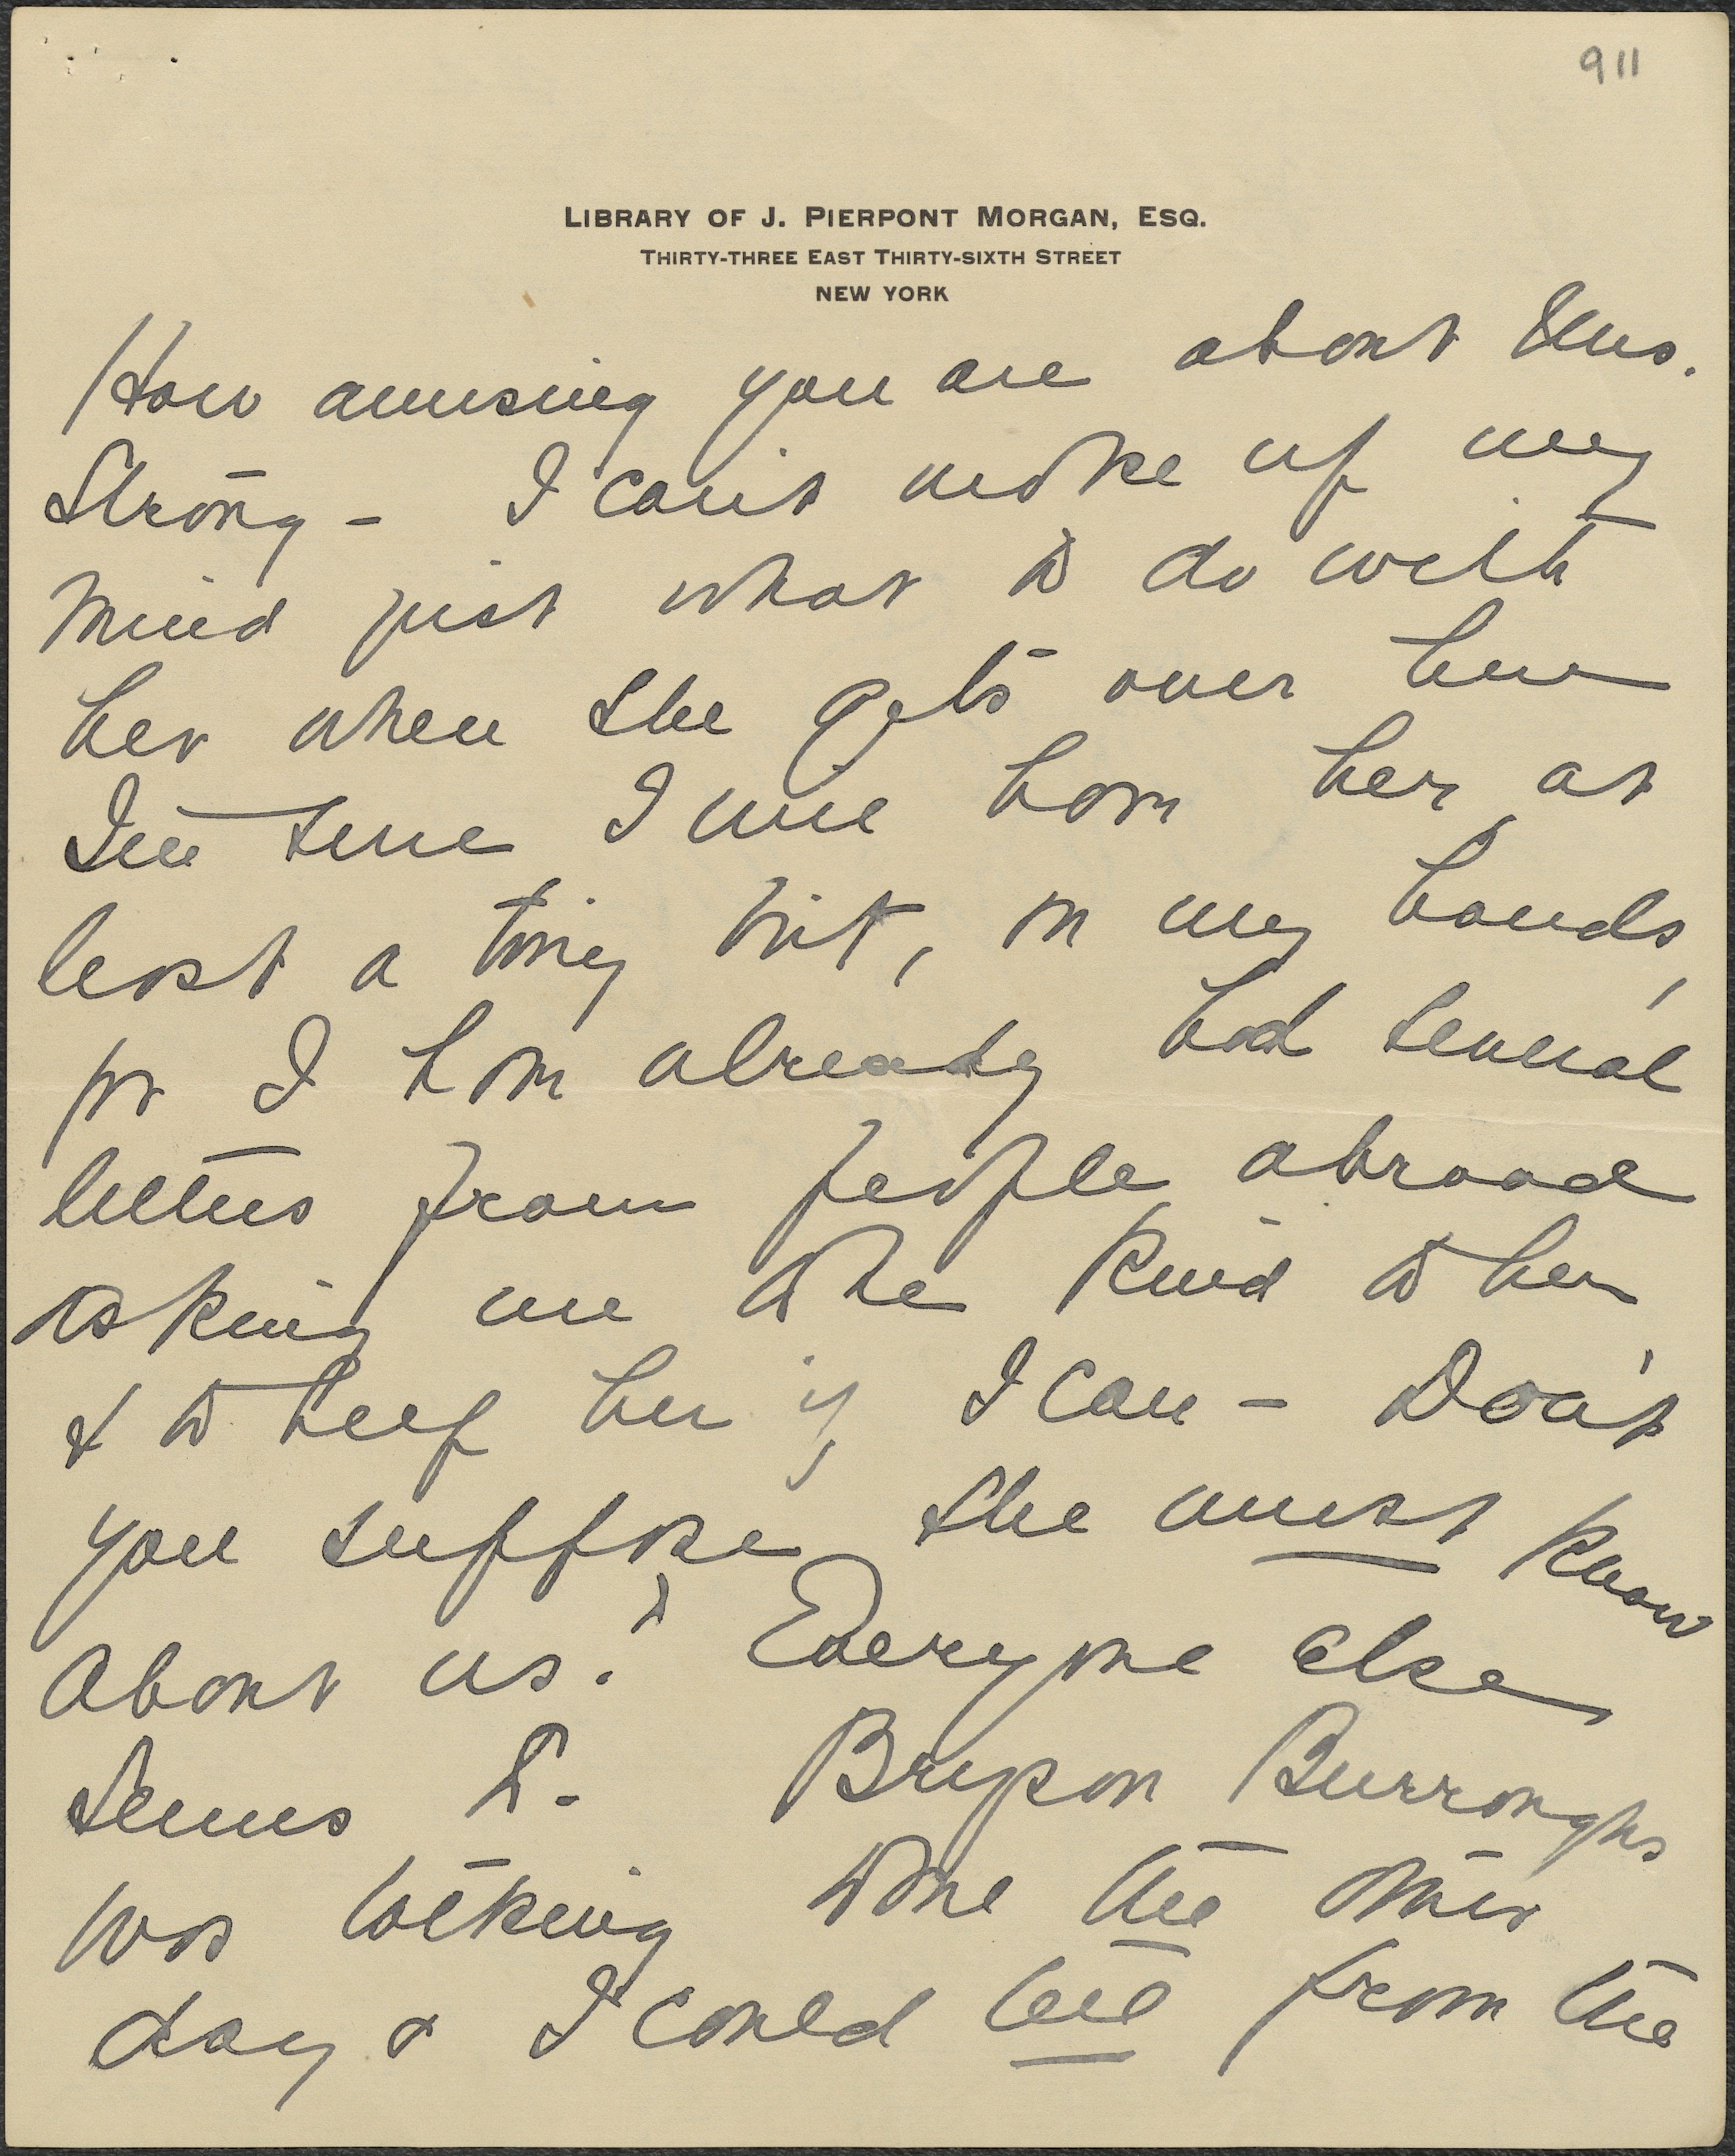How amusing you are about Mrs. Strong – I can’t make up my mind just what to do with her when she gets over here – I’m sure I will have her at least a tiny bit, on my hands, for I have already had several letters from people abroad asking me to be kind to her & to help her if I can – Don’t you suppose she must know about us? Everyone else seems to – Bryson Burroughs was talking to me the other day & I could tell from the